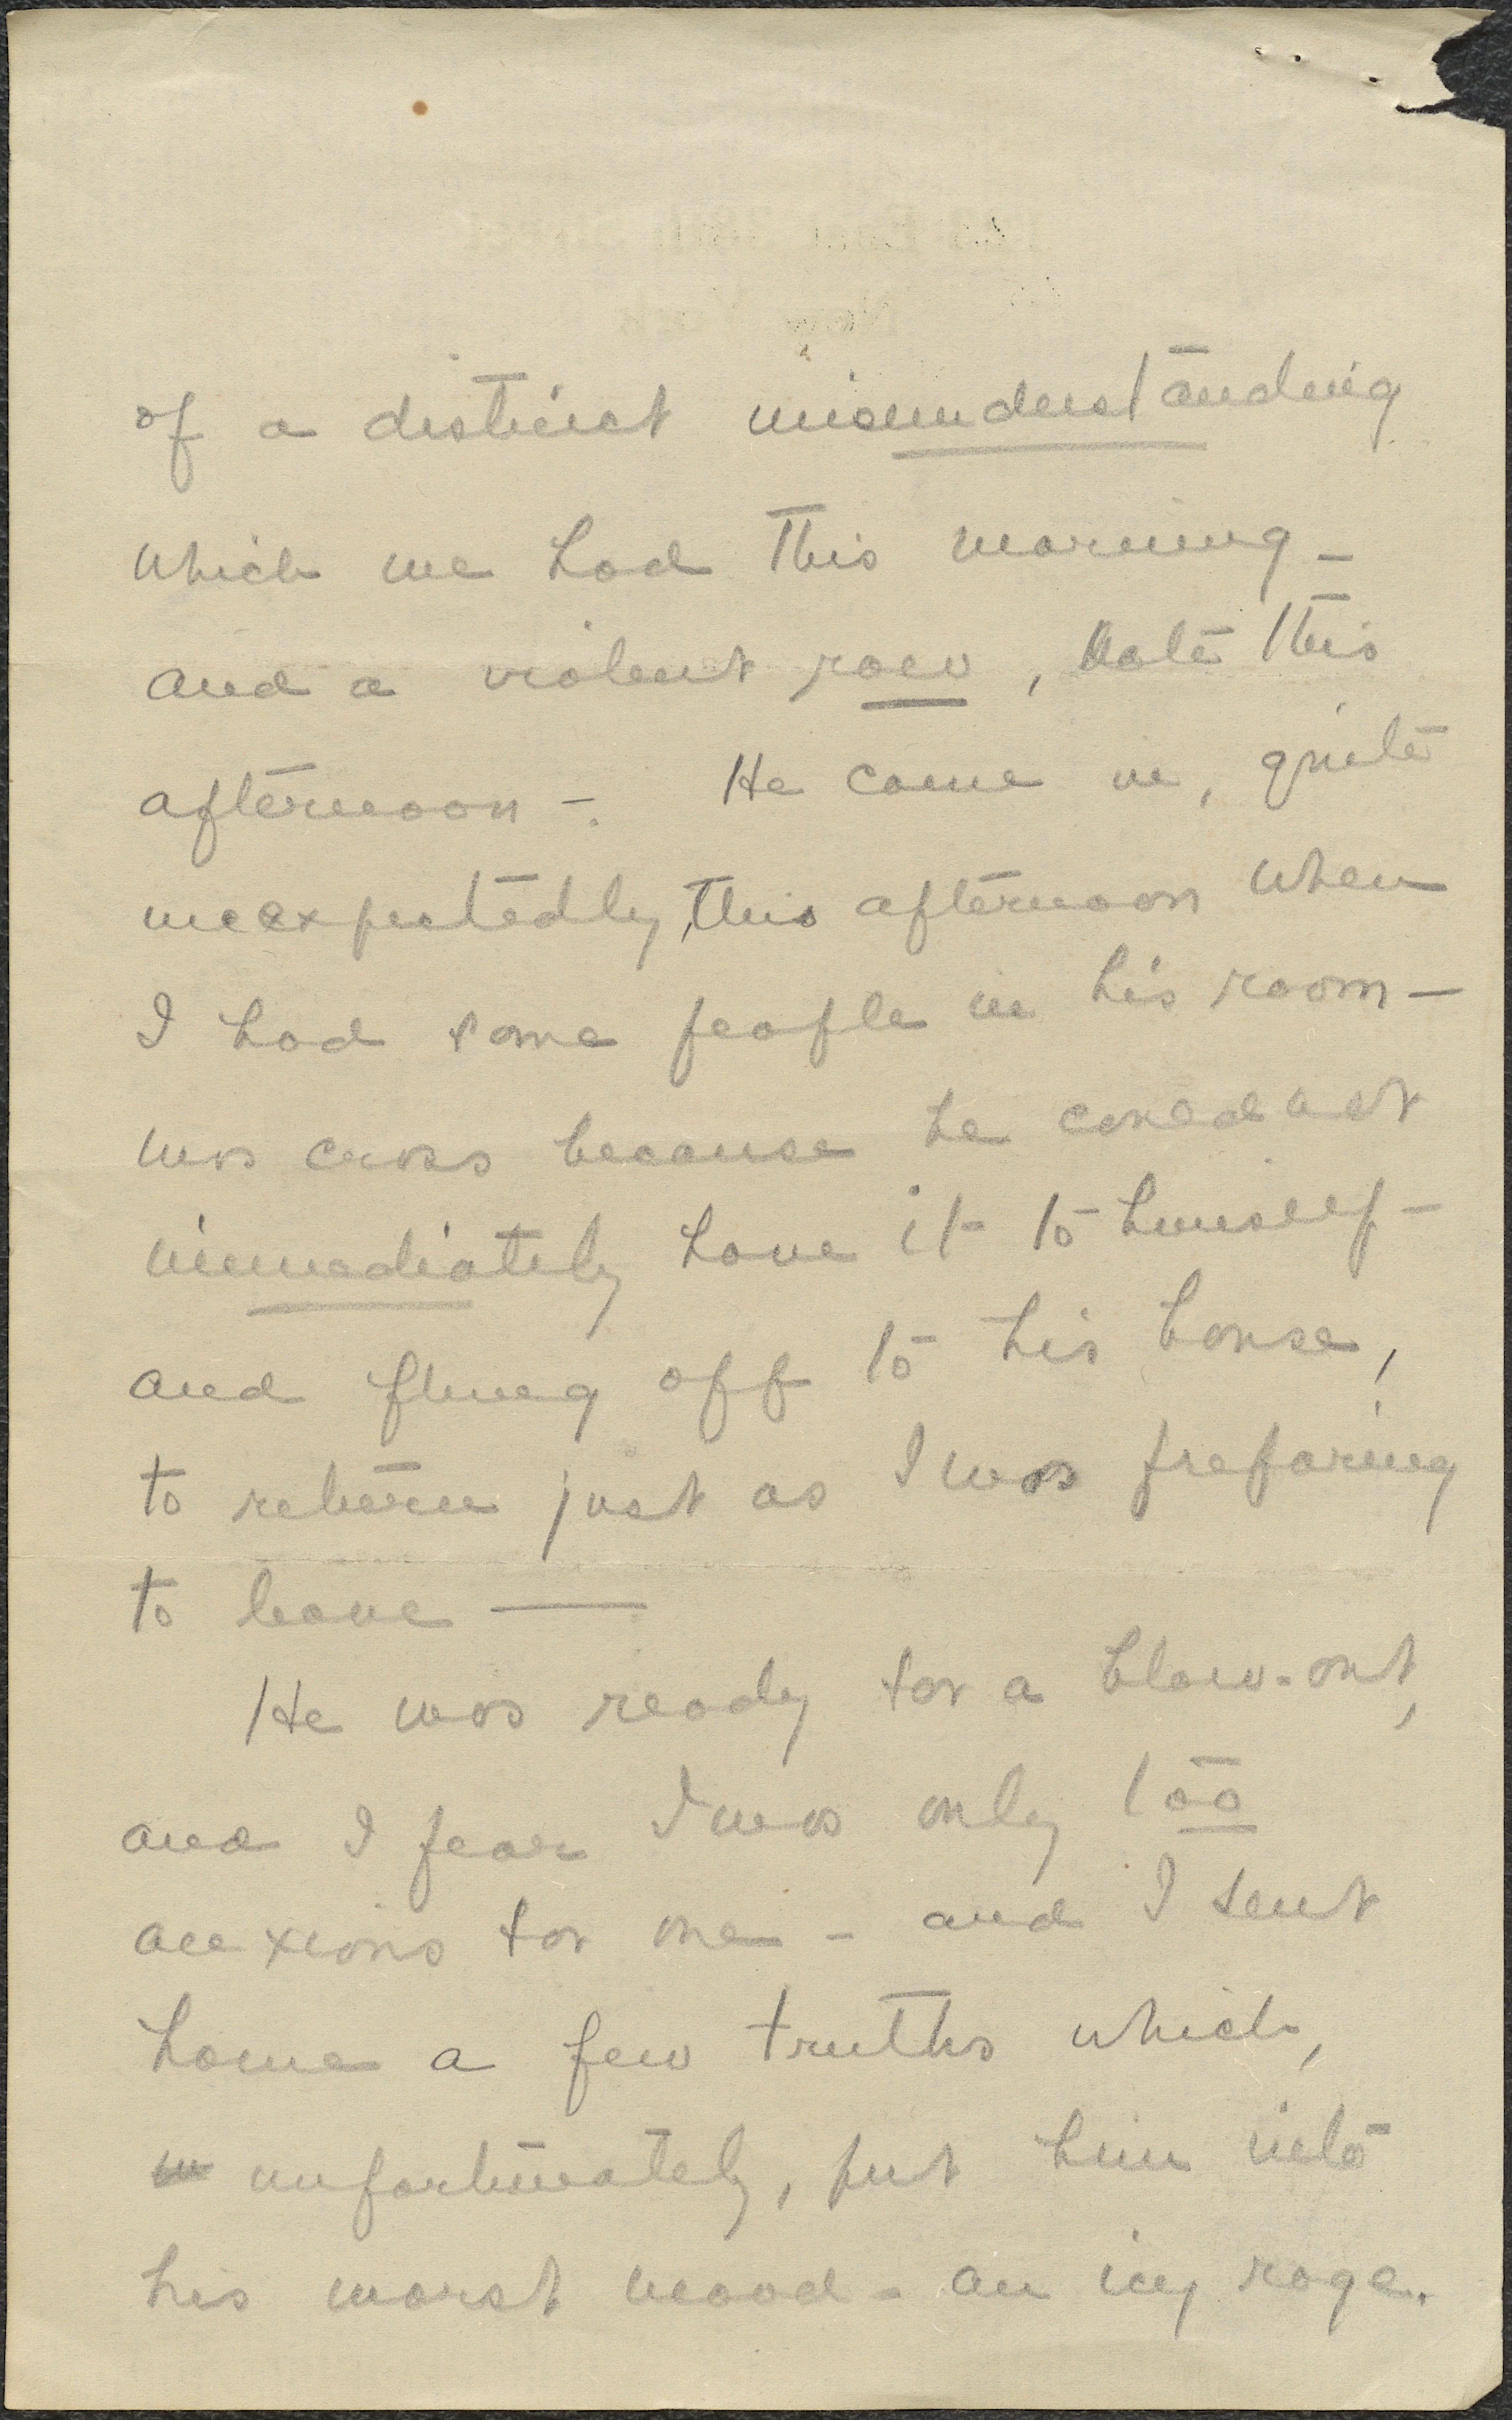of a distinct misunderstanding which we had this morning – And a violent row, late this afternoon – He came in, quite unexpectedly this afternoon when I had some people in his room – was cross because he could not immediately have it to himself – and flung off to his house, to return just as I was preparing to leave –
He was ready for a blow-out, and I fear I was only too anxious for one – and I sent home a few truths which, w unfortunately, put him into his worst mood – an icy rage.